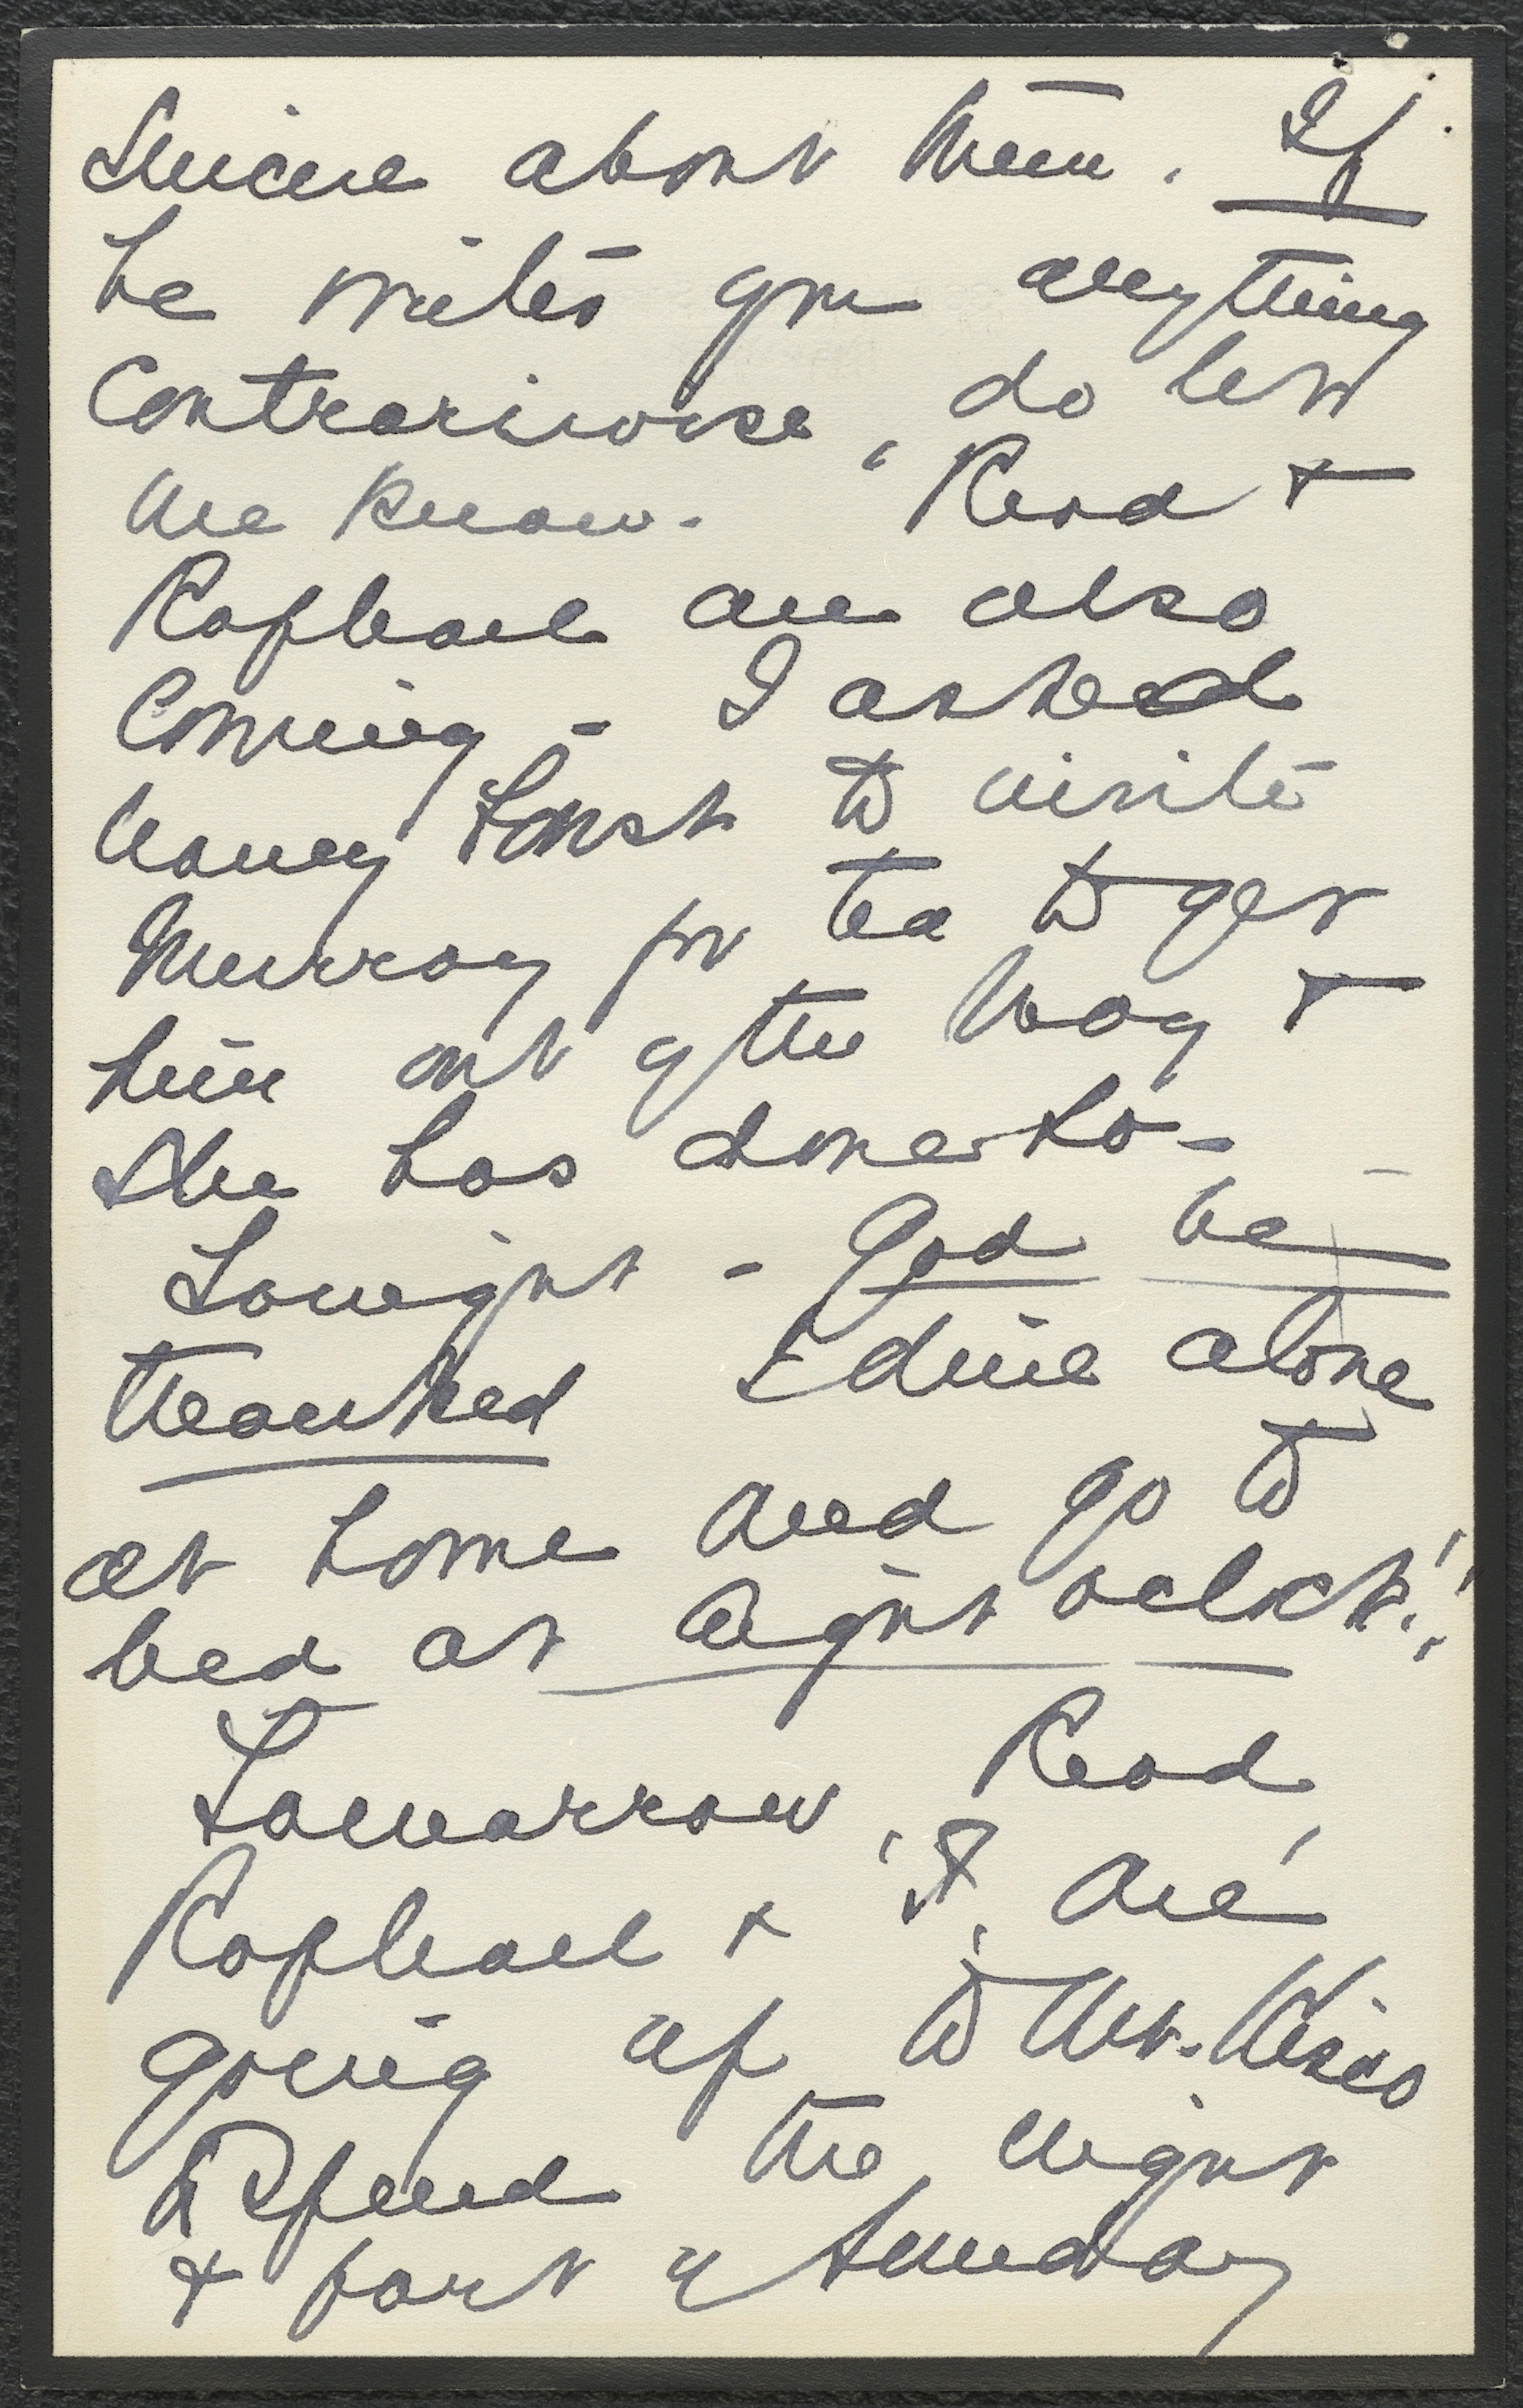sincere about them. If he writes you anything contrarious, do let me know. Read & Raphael are also coming – I asked Nancy Furst to invite Murray for tea to get him out of the way & she has done so – Tonight – God he thanked I dine alone at home and go to bed at eight oclock!! Tomorrow, Read, Raphael & I are going up to Mt. Kisco to spend the night & part of Sunday